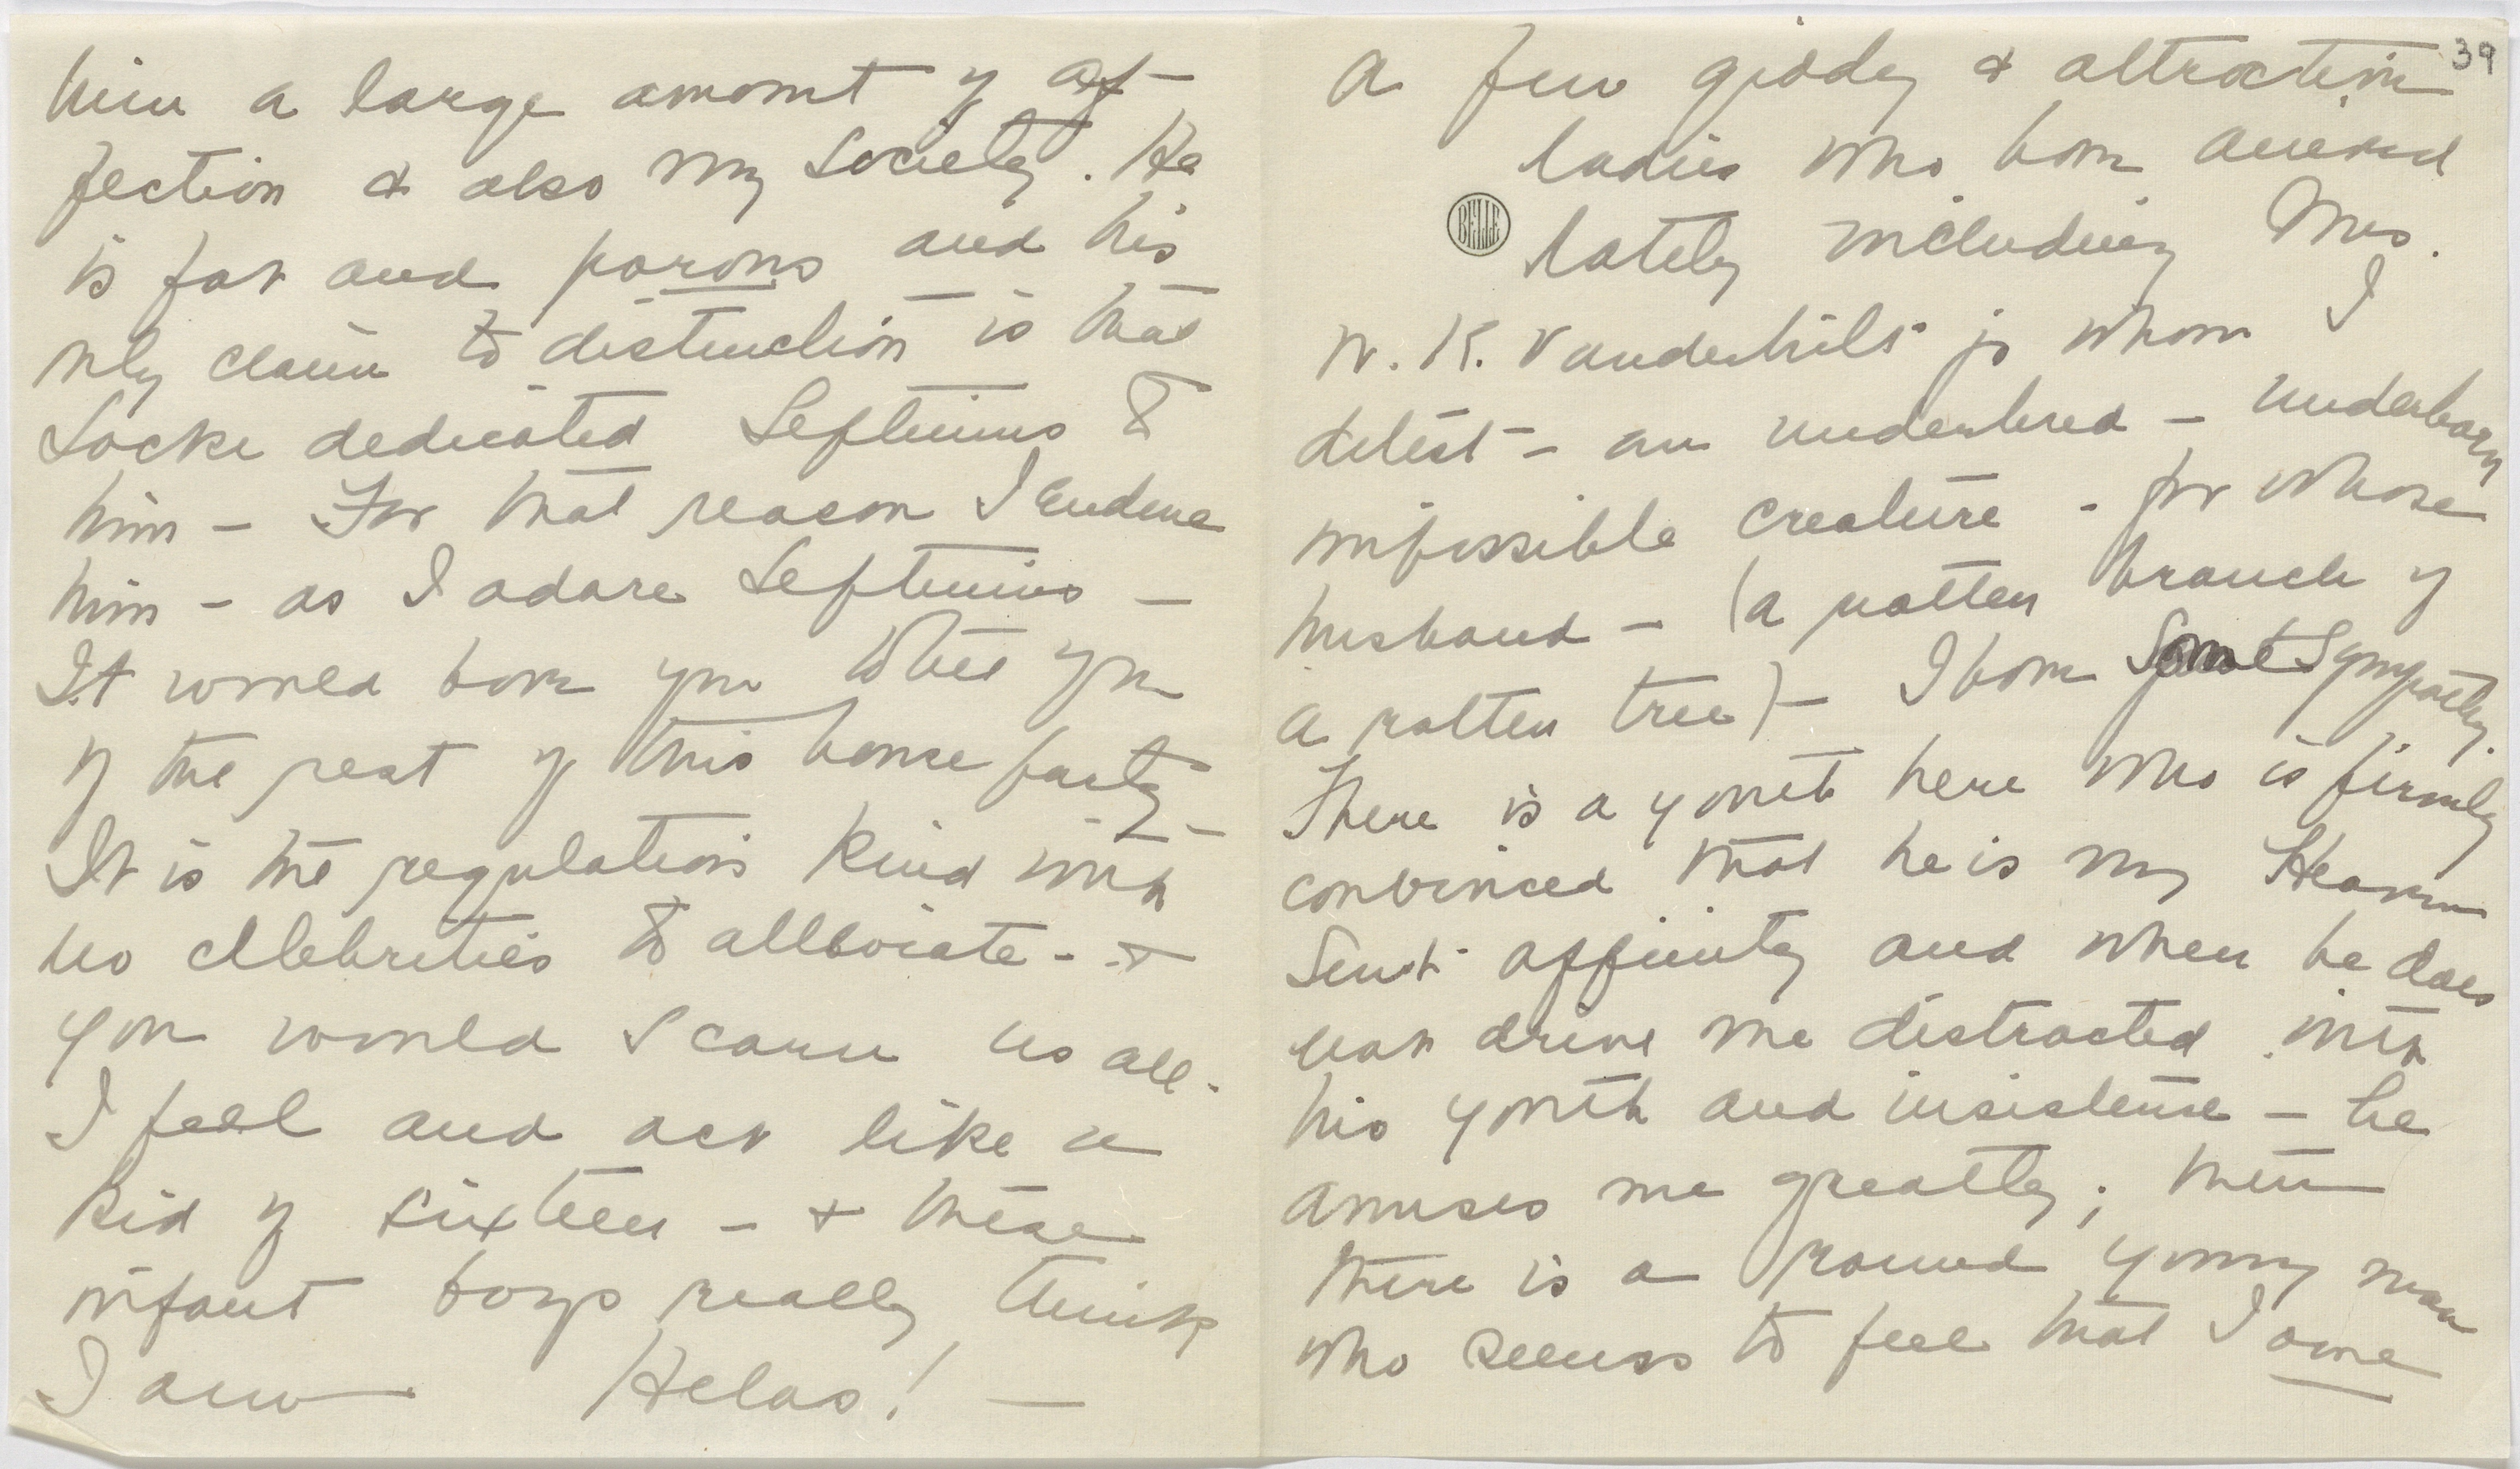a few giddy & attractive ladies who have arrived lately including Mrs. W. K. Vanderbilt jr whom I detest – an underbred – underborn impossible creature – for whose husband – (a rotten branch of a rotten tree) – I have great some sympathy. There is a youth here who is firmly convinced that he is my Heaven Sent affinity and when he does not drive me distracted with his youth and insistence – he amuses me greatly; then there is a round young man who seems to feel that I owe
him a large amount of affection & also my society. He is fat and porous and his only claim to distinction is that Locke dedicated Septimus to him – For that reason I endure him – as I adore Septimus – It would bore you to tell you of the rest of this house party – It is the regulations kind with no celebrities to alleviate – & you would scorn us all – I feel and act like a kid of sixteen – & these infant boys really think I am Helas! –